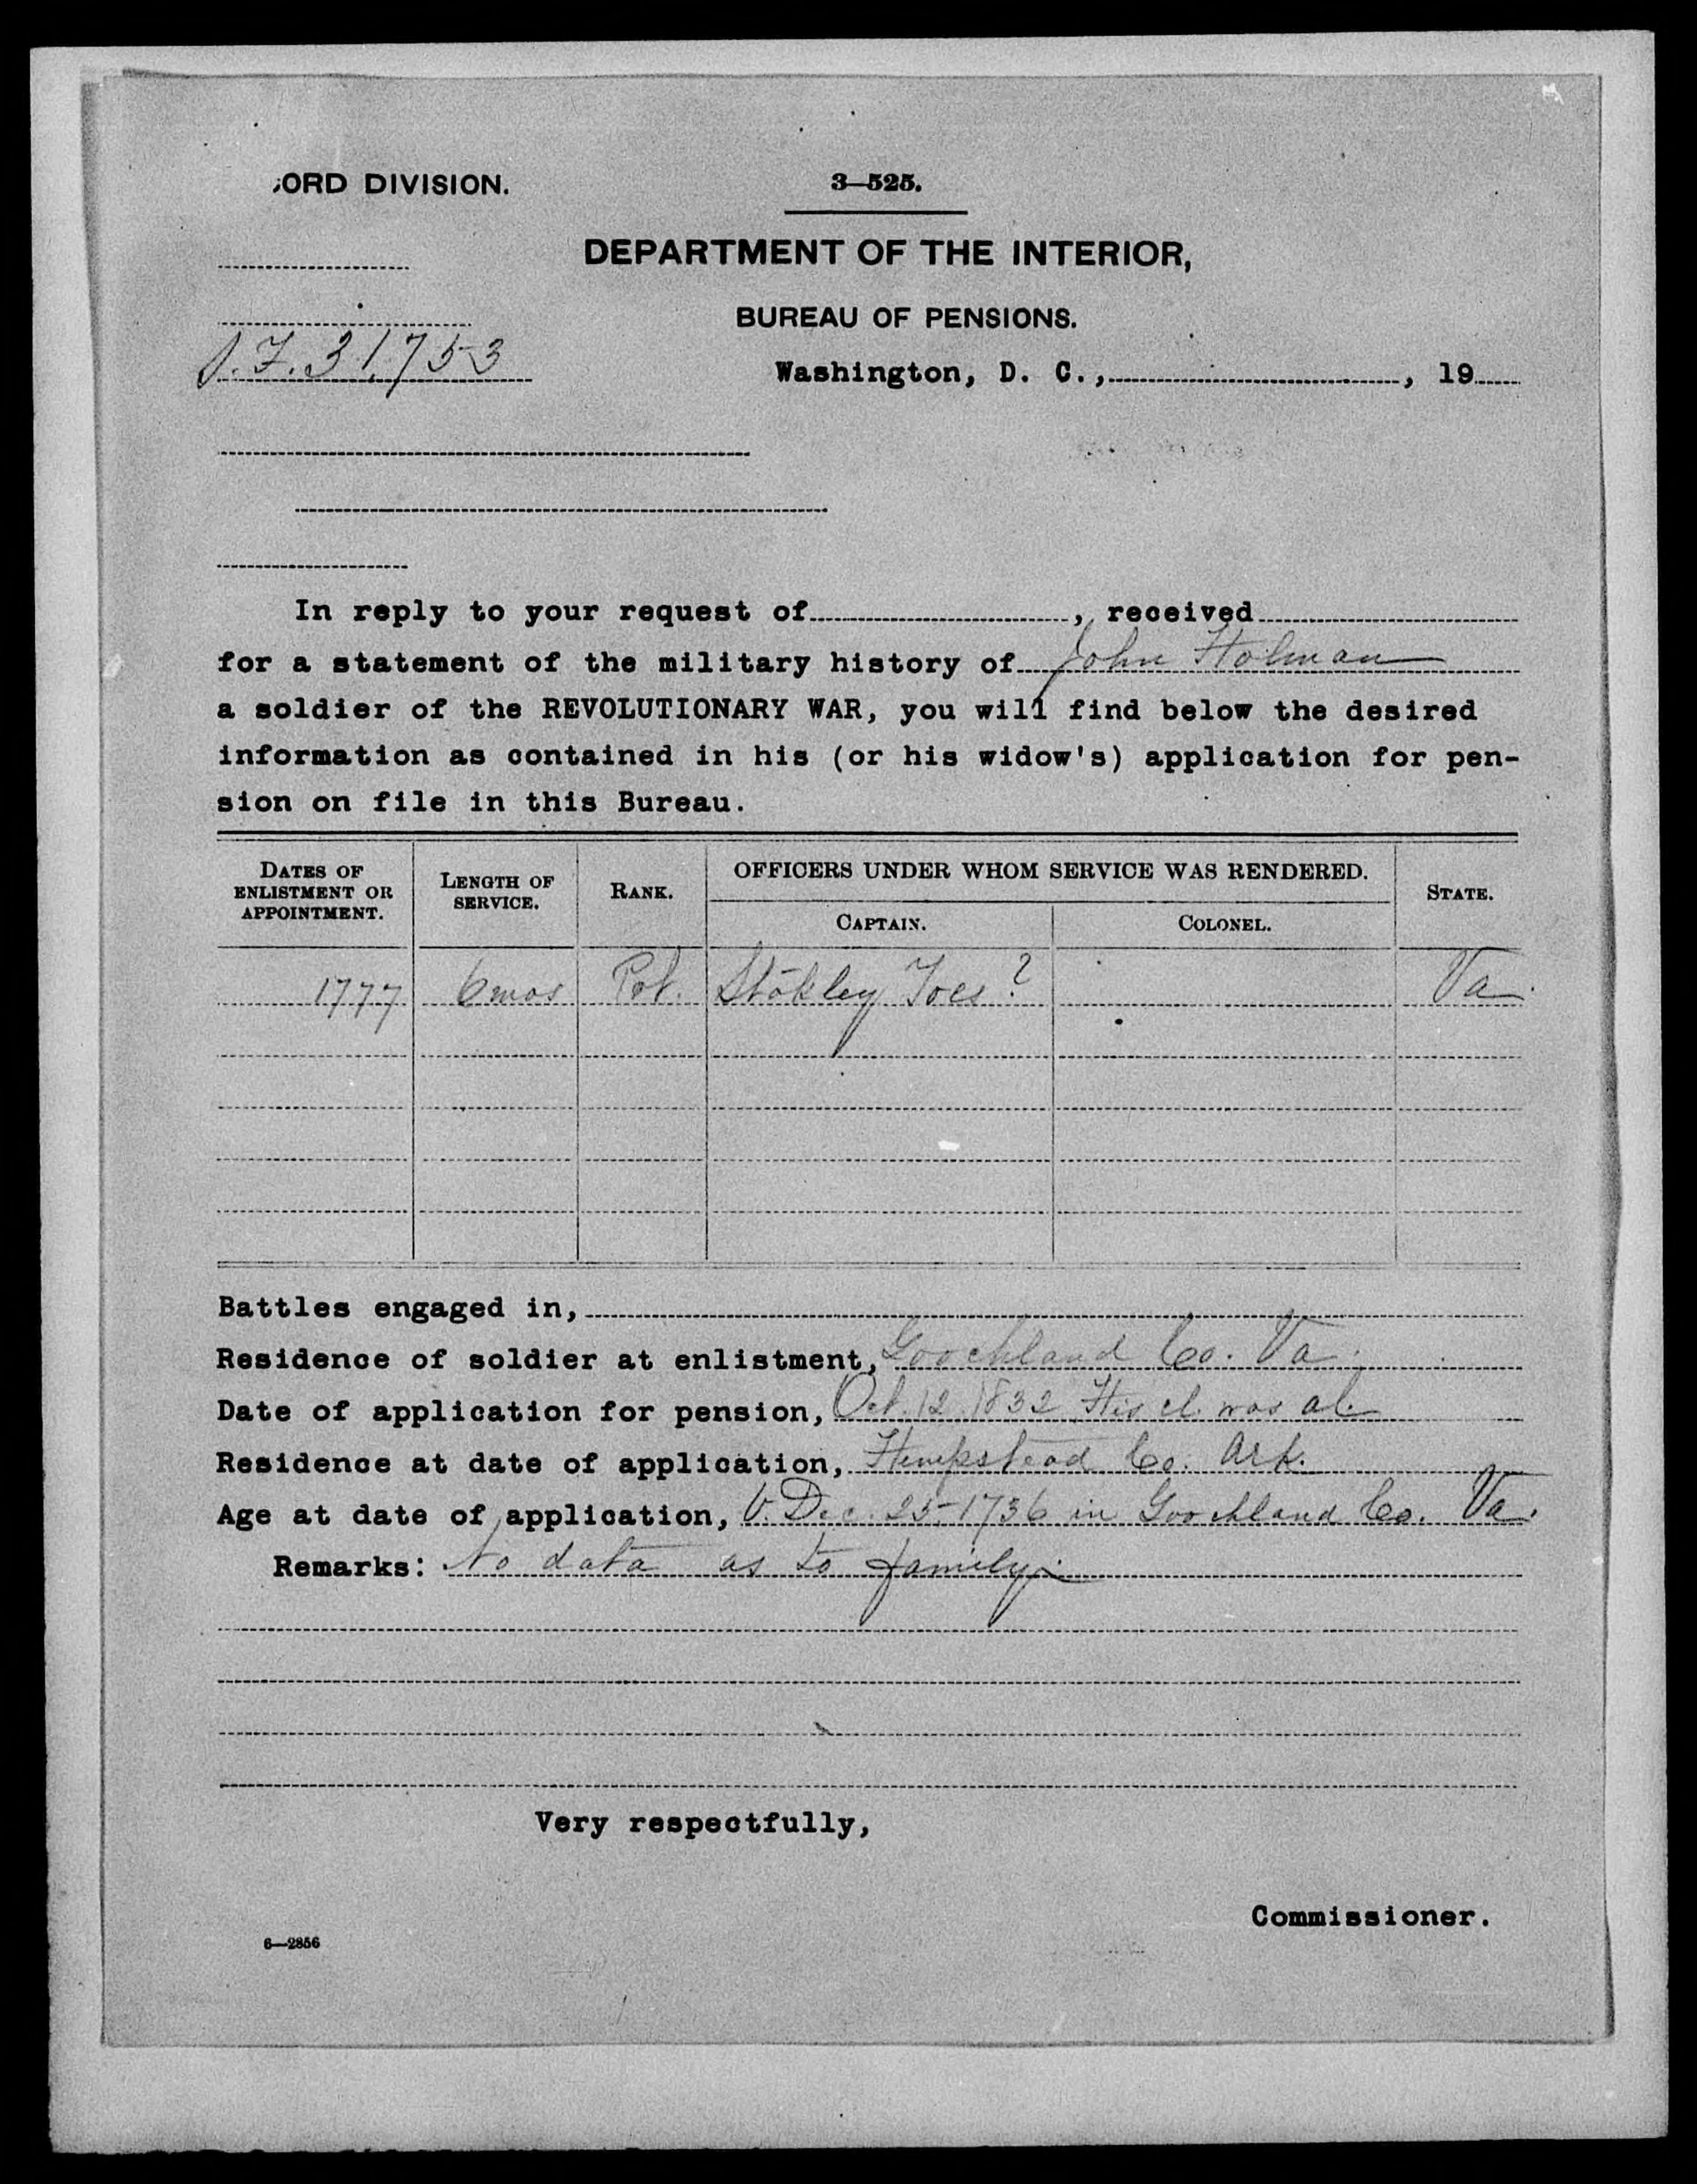RECORD DIVISION 3-525
DEPARTMENT OF THE INTERIOR,
BUREAU OF PENSIONS.
Washington, D.C. , ...........,19........
[Illegible letter] F 31753
 In  reply to your request of ........, received......
for a statement of the military history of John Holman
a soldier of the REVOLUTIONARY WAR, you will find below 
the desired information as contained in his (or his widow's)
application for pension on file in this Bureau.
[column heading & answer]
DATES OF ENLISTMENT OR APPOINTMENT...1777
LENGTH OF SERVICE 6 mos
RANK Prt
OFFICERS UNDER WHOM SERVICE WAS RENDERED.
CAPTAIN Stokley Toes?
COLONEL none listed
STATE Va
Battles engaged in....., 
Residence of soldier at enlistment, Goochland Co. Va.
Date of application for pension Oct 12, 1832 His cl was al
Residence at date of application, Hempstead Co. Ark
Age at date of application. b Dec. 25, 1736 in  Goochland Co. Va
Remarks: No data as to family
Very respectfully , 
Commissioner
[form number] 6-285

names: John Holman, Stokley Toes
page: 26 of 30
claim: survivor's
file: S. 31753, John Holman, Va.